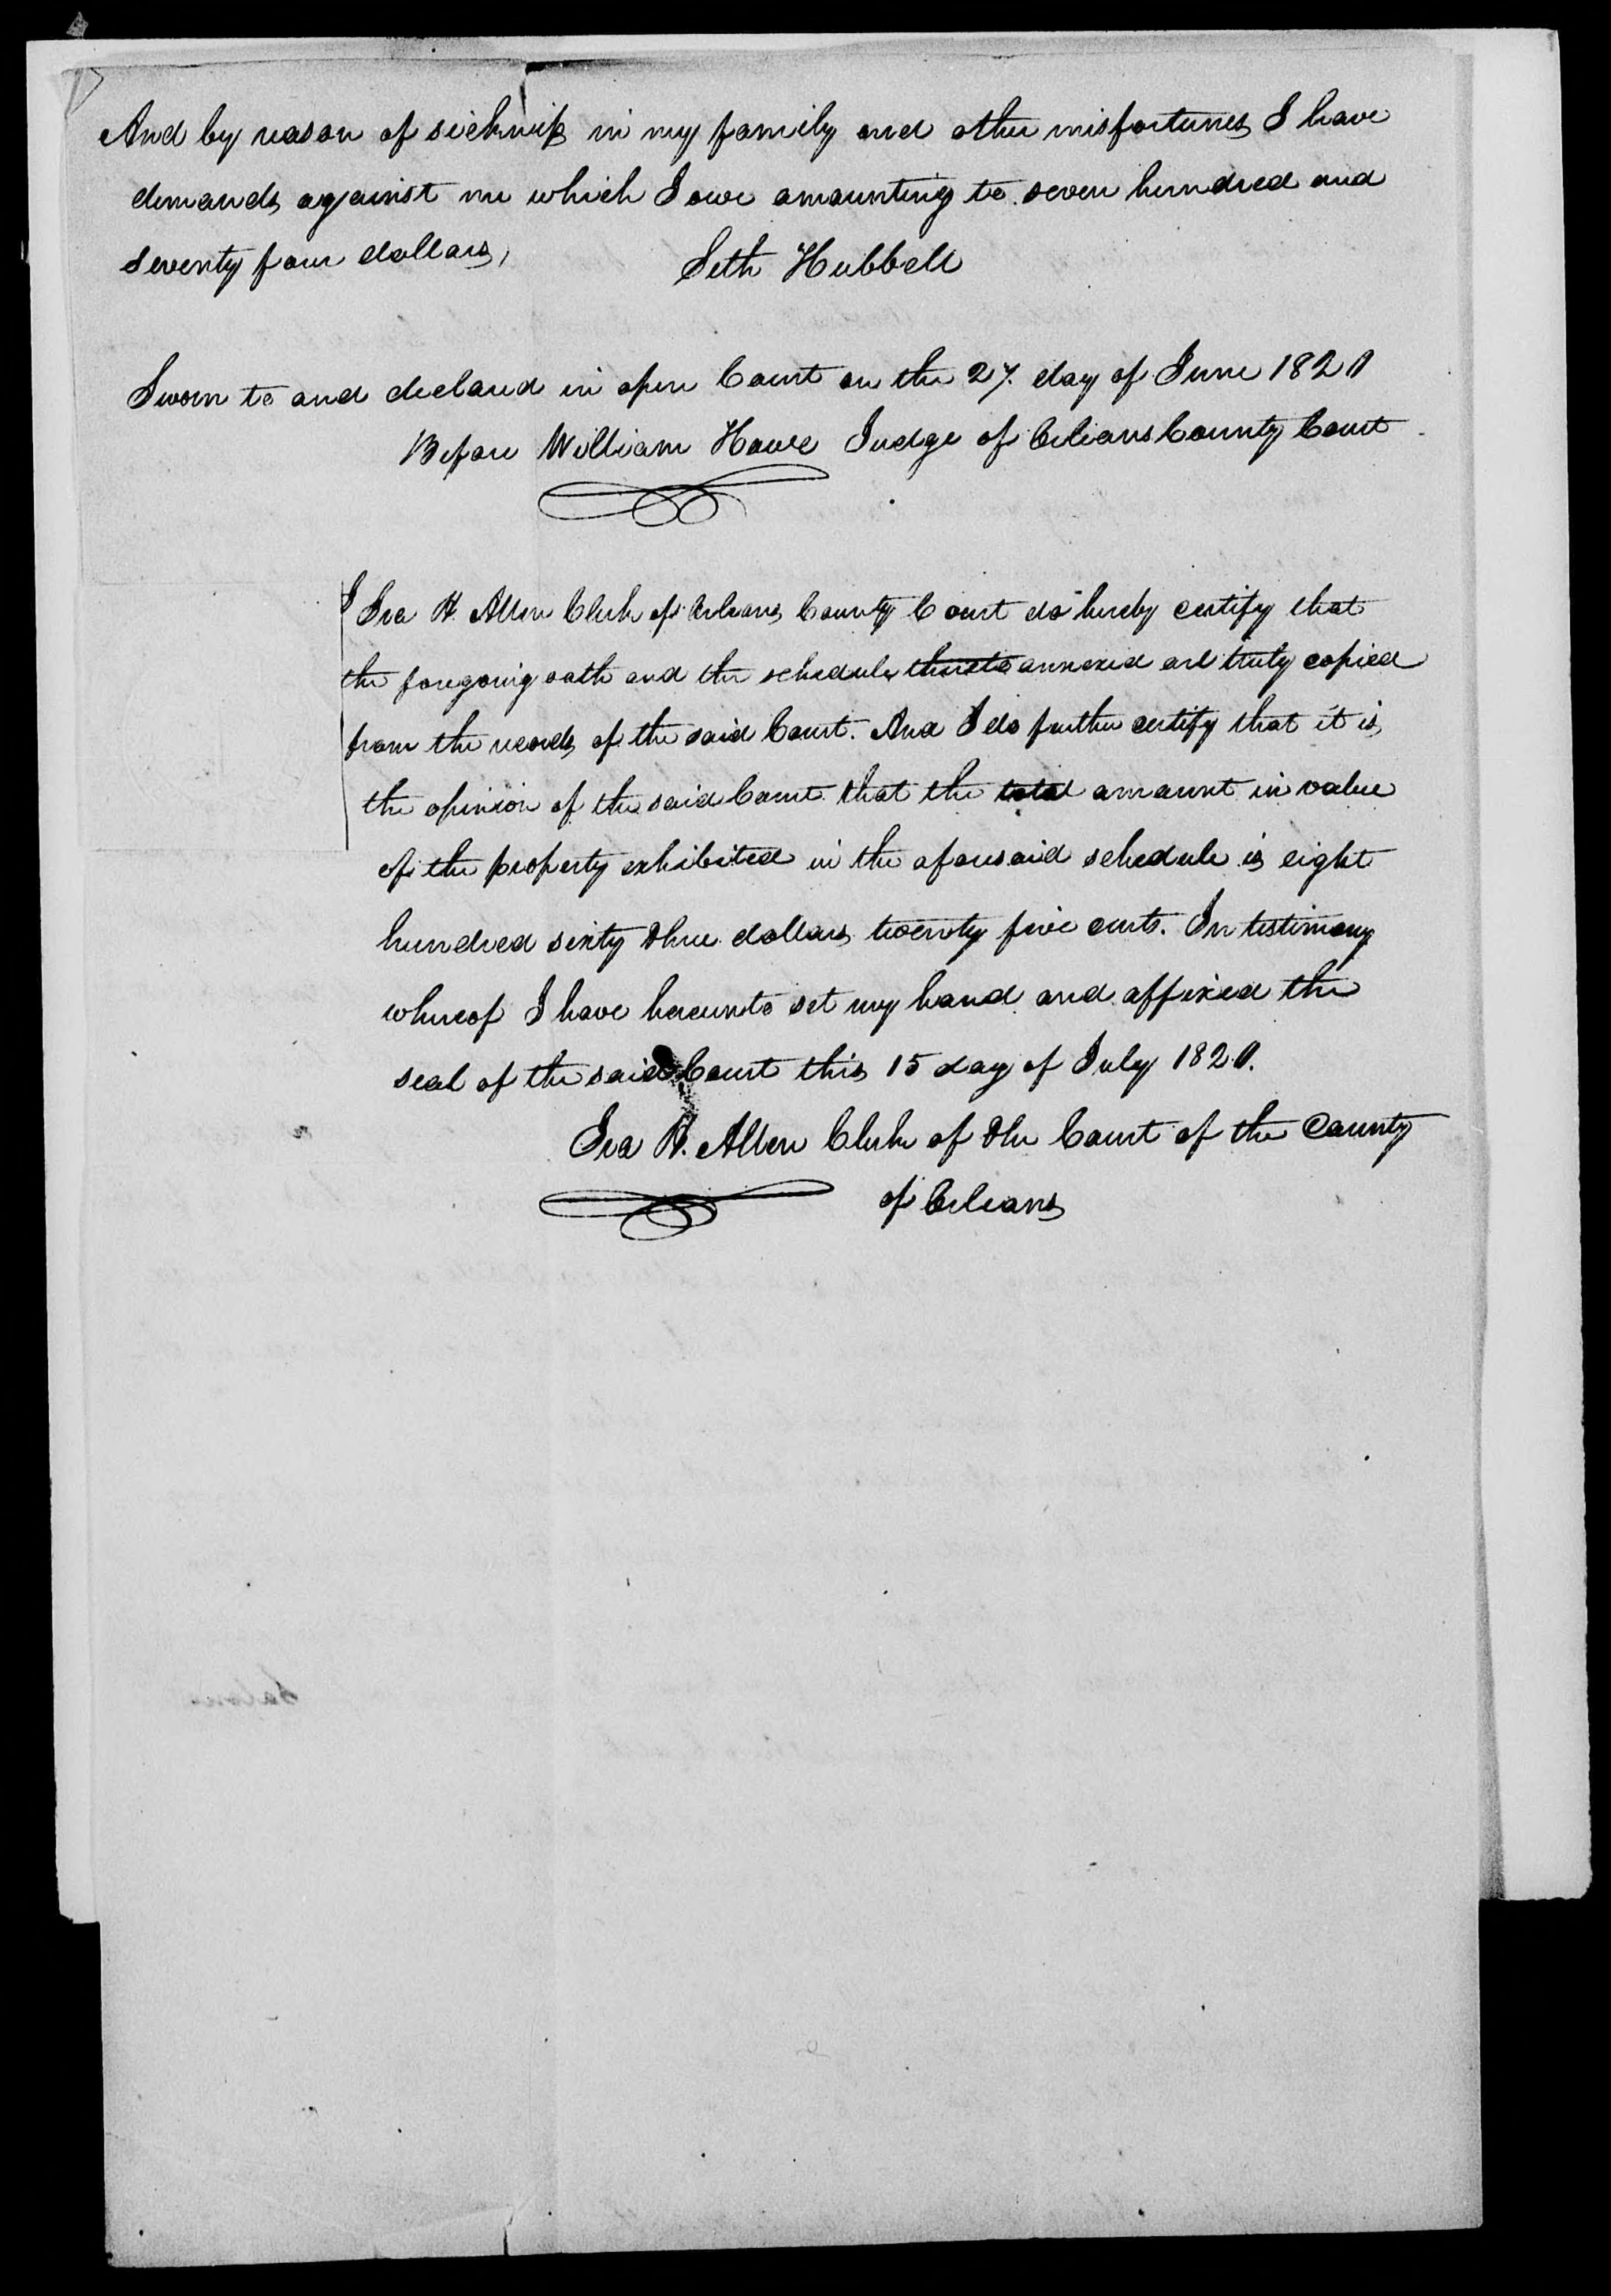And by reason of [illegible] in my family and  other misfortunes I have demands against me which I owe amounting to seven hundred and seventy four dollars, 
Seth Hubbell

Sworn to and declared in open Court on the 27. day of June 1820
Before William Howe Judge of Orleans County Court

I Ira H. Allen Clerk of Orleans County Court do hereby certify that the foregoing oath and the schedule thereto annexed are truly copied from the  words of the said Court. And I do further certify that it is the opinion of the said Court that the total amount in value of the property exhibited in the aforesaid schedule is eight hundred sixty three dollars twenty five cents. In testimony whereof I have hereunto set my hand and affixed the seal of the said Court this 15 day of July 1820.
Ira H. Allen Clerk of the Court of the County of Orleans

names: Seth Hubbell, Ira H Allen, William Howe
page: 86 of 114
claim: widow's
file: W. 2115, Seth Hubbell, Conn.